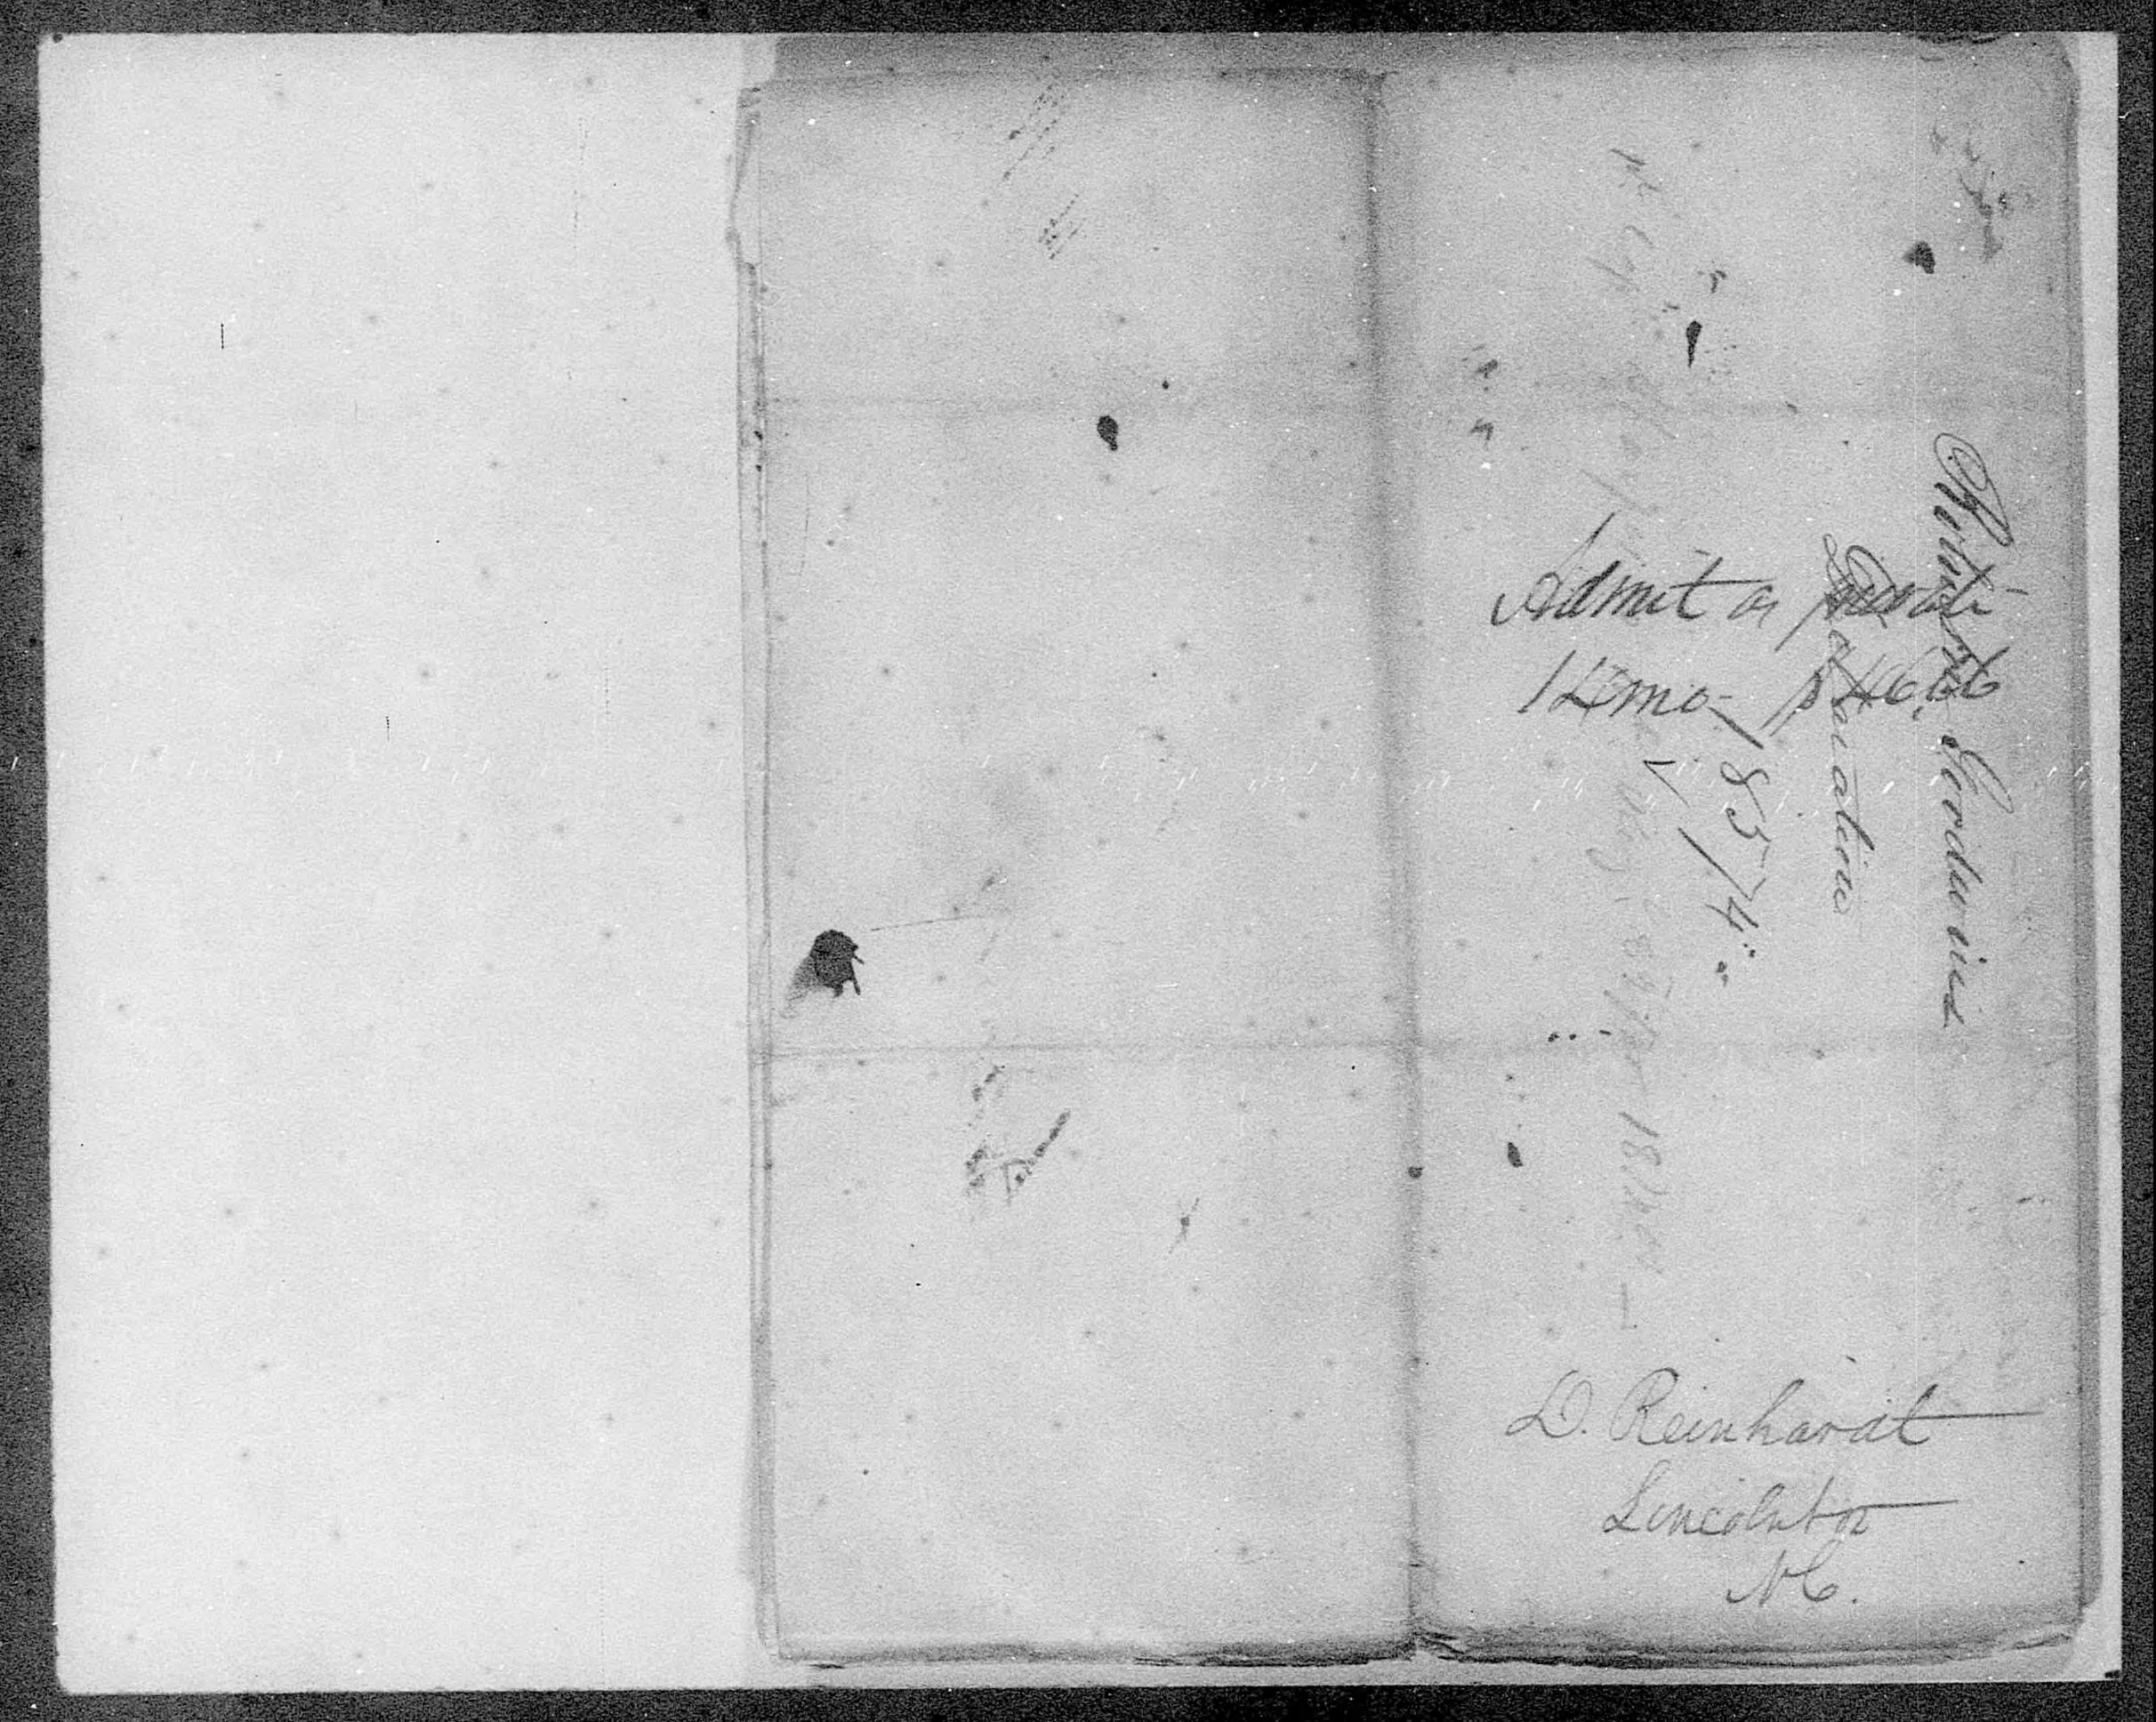Admit as
Goodwin
18574
D. Reinhardt
Lincolnton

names: Robinson Goodwin, D Reinhardt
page: 3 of 16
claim: survivor's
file: S. 6,894, Robison Goodwin, N.C.